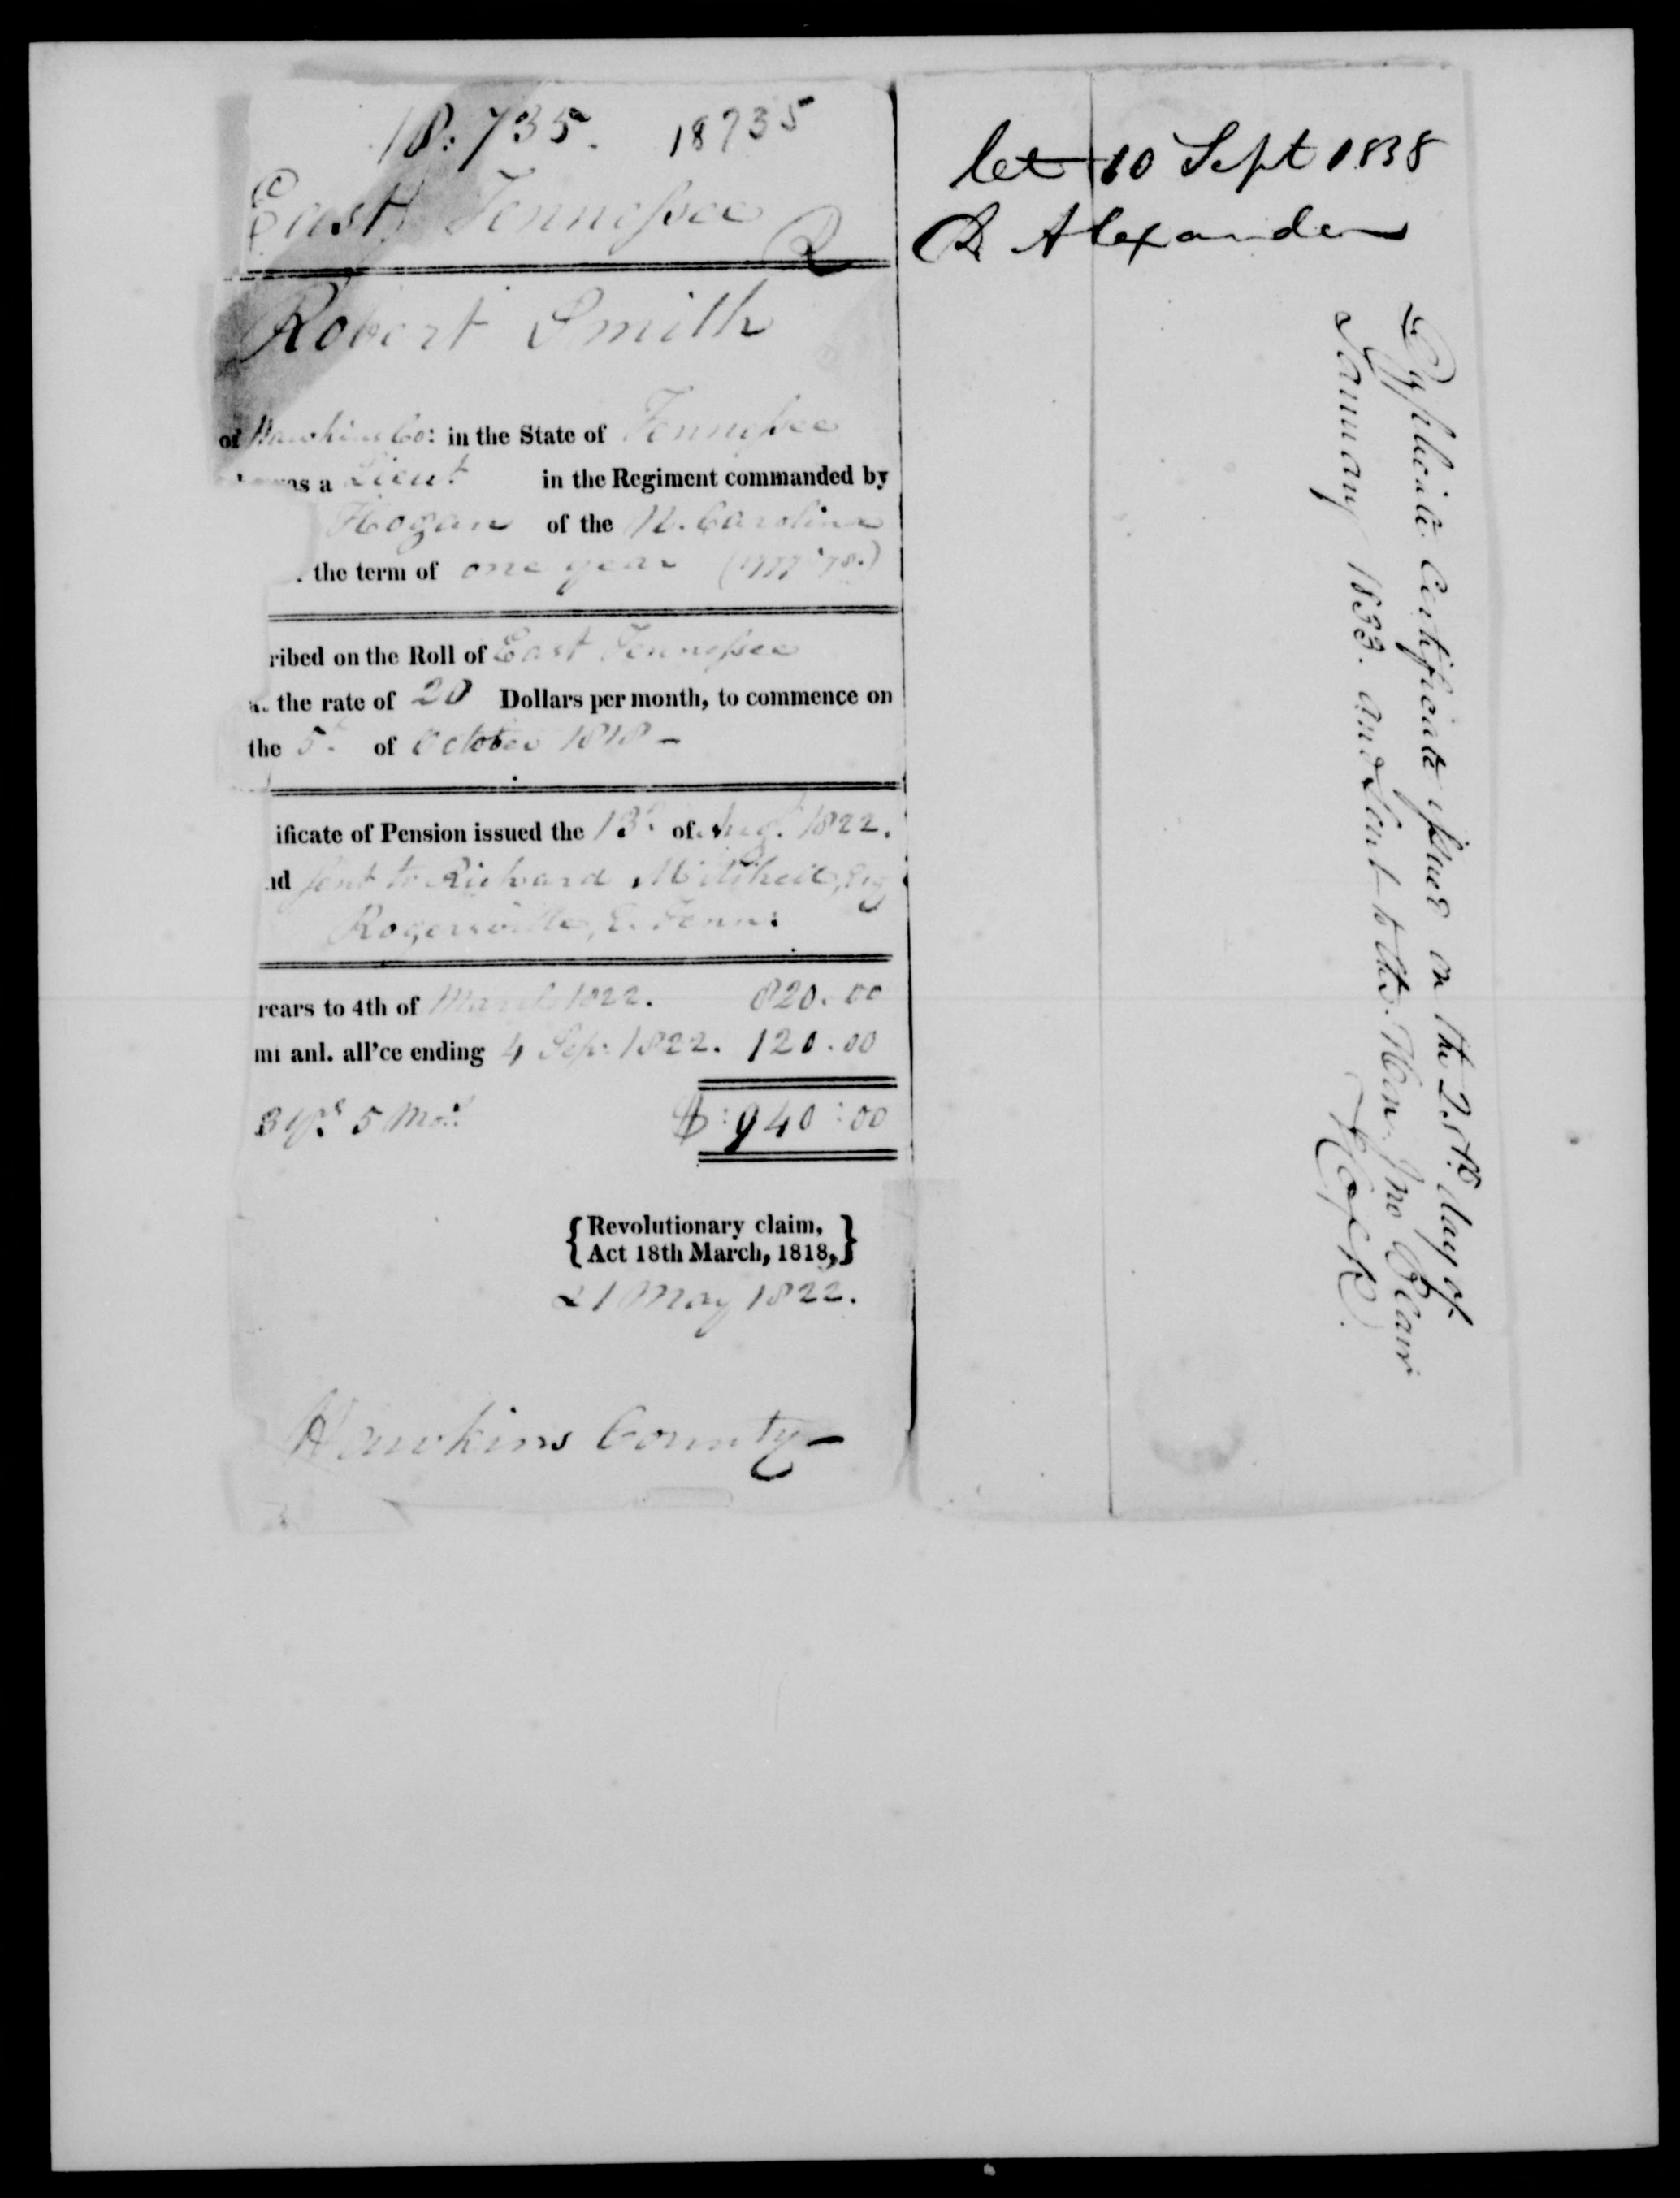18735
East Tennessee
Robert Smith
of Hawkins Co: in the State of Tennessee who was a Lieut in the Regiment commanded by [Colonel  James Hogun] Hogan of the N. Carolina line for the term of one year 1777 '78

Inscribed on the Roll of East Tennessee at the rate of 20 Dollars per month, to commence on
the 5th of October 1818

Certificate of Pension issued the 13th of Augt. 1822. and sent to Richard Mitchell, Esq Rogersville, E. Tenn:

Arrears to 4th of March 1822. 820.00
Semi anl. all'ce ending 4 Sepr 1822. 120.00 = 3 yrs 5 mos $940.00

Revolutionary claim Act 18th March, 1818, 21 May 1822.

Hawkins County

let 10 Sept 1838
R Alexander

Duplicate Certificate issued on the 25th day of January 1833. and sent to the Hon Jno Blair H of R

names: [BLANK] Hogan; Richard Mitchell; Robert Smith; Jno Blair; D Alexander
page: 2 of 79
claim: widow's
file: W. 1504, for Robert Smith, North Carolina